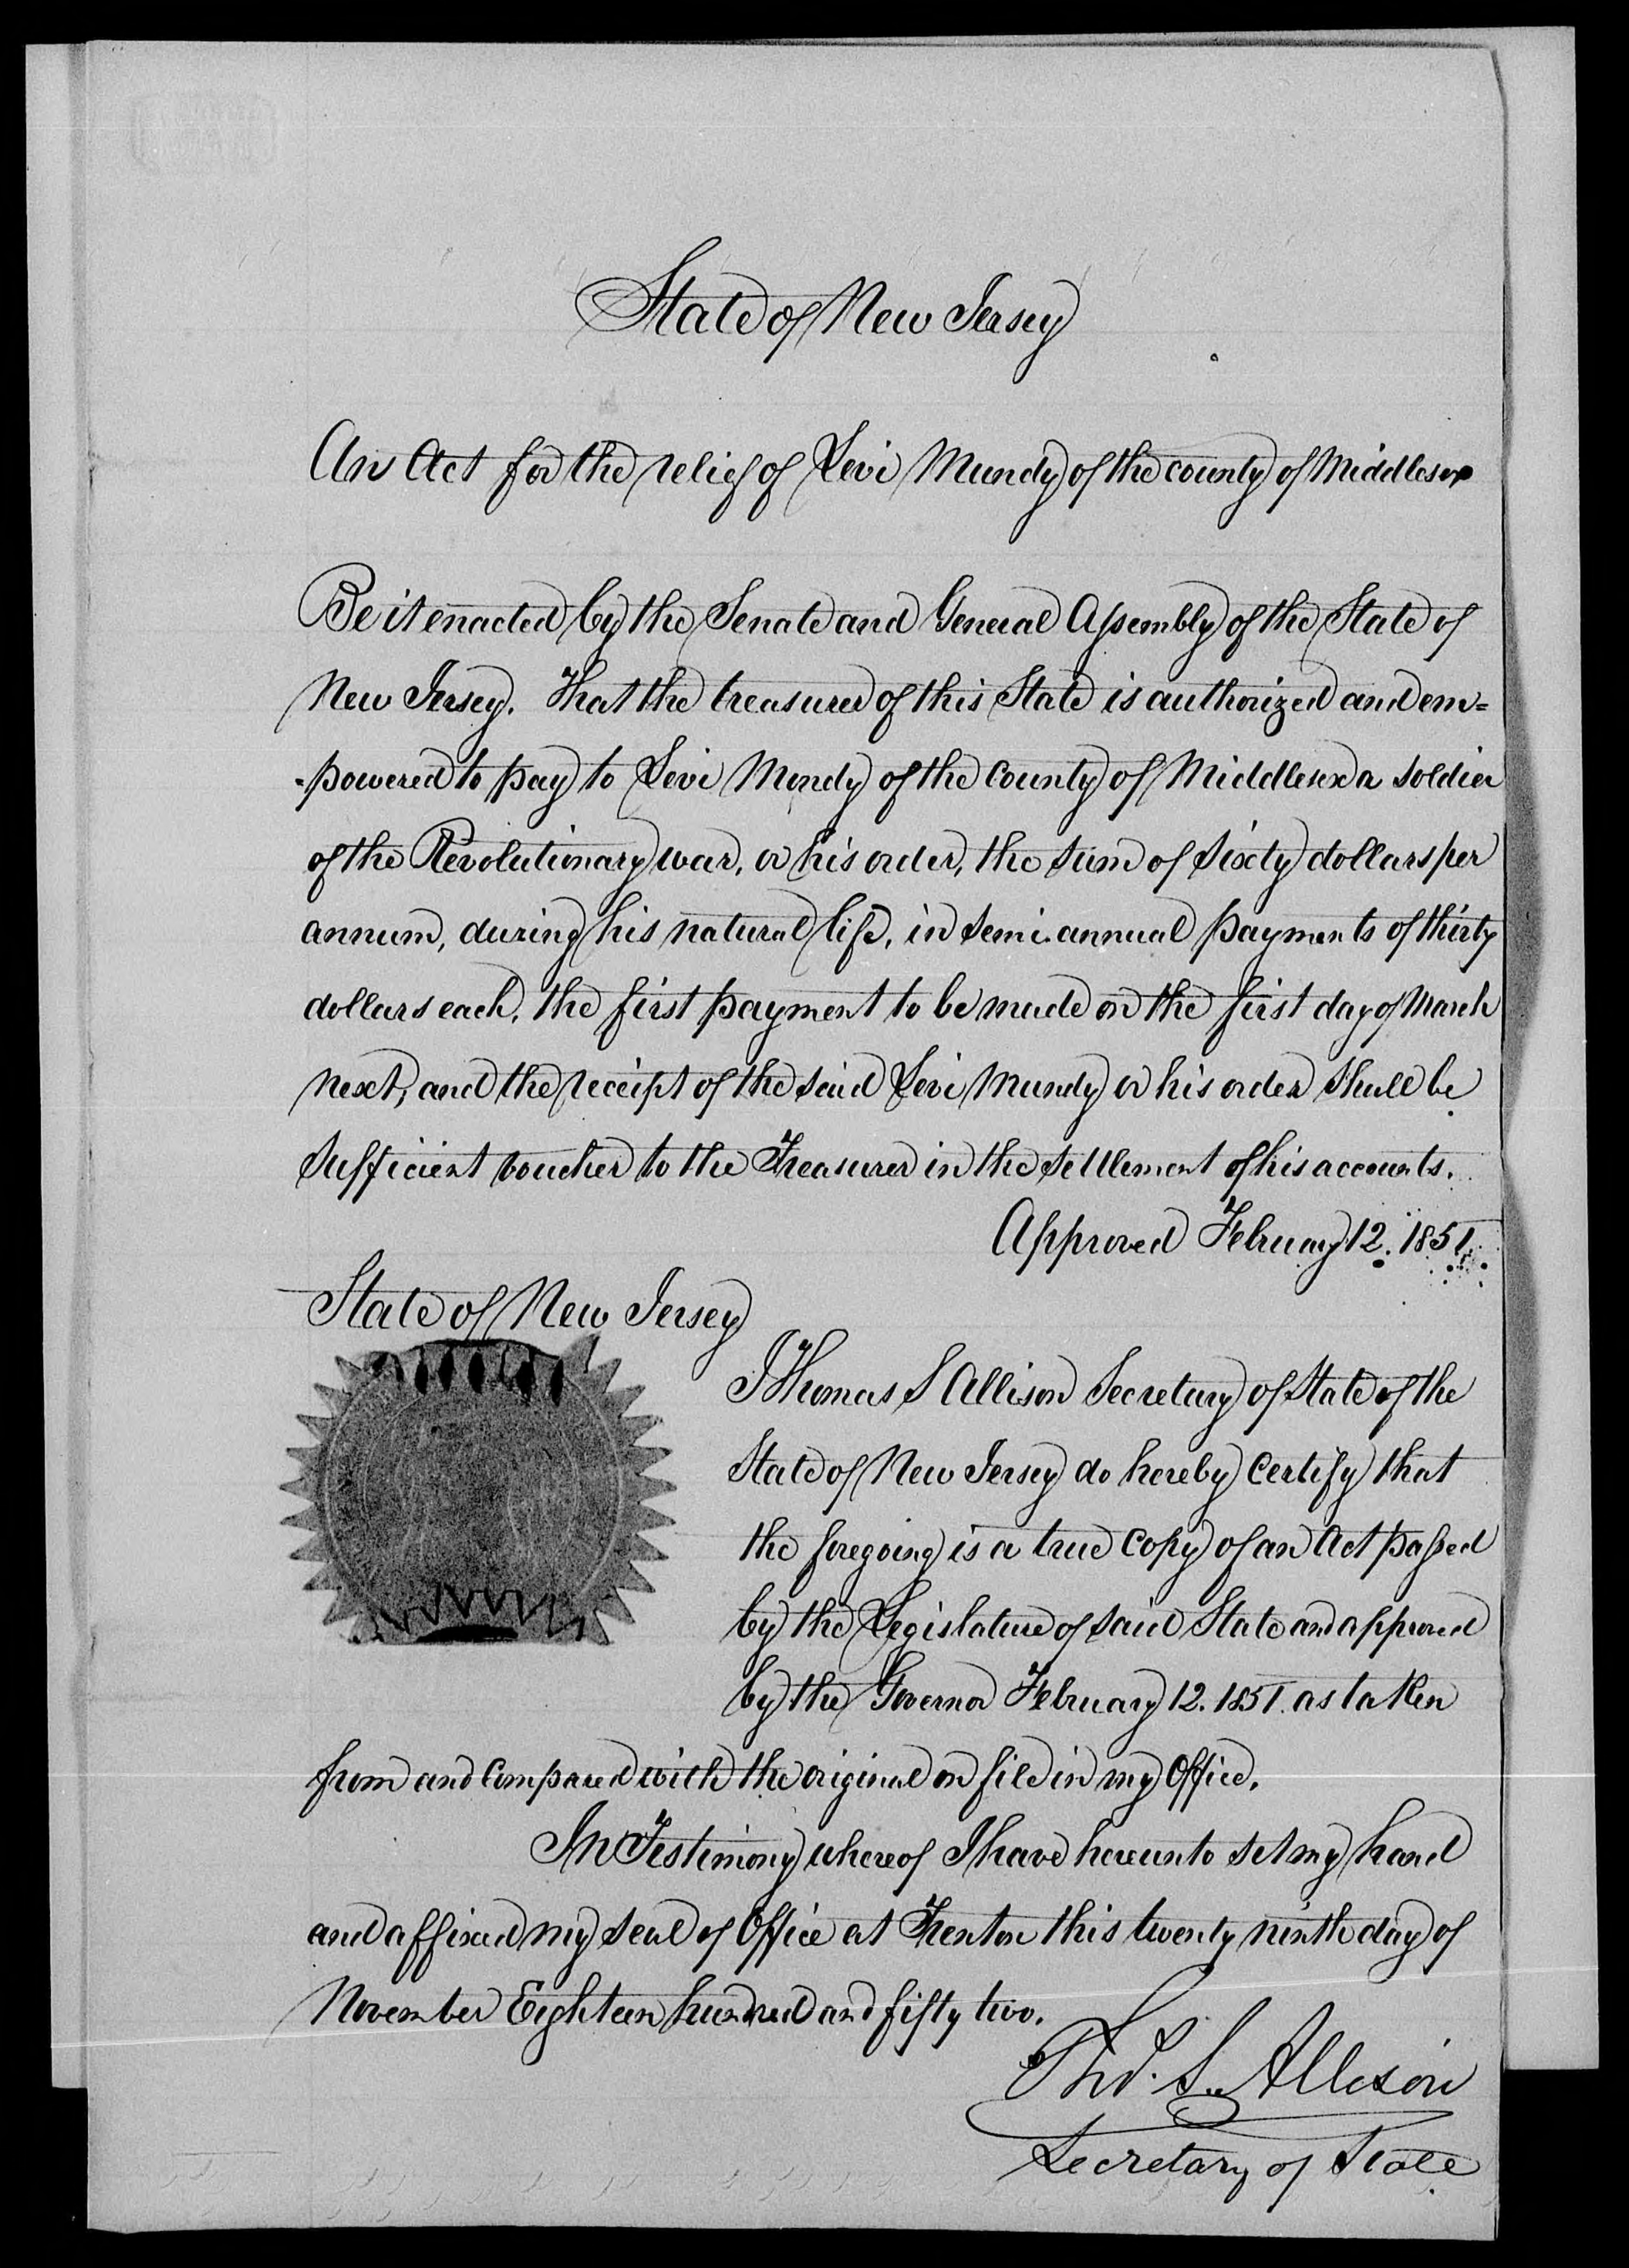State of New Jersey

An Act for the relief of Levi Mundy of the County of Middlesex.

Be it enacted by the Senate and General Assembly of the State of
New Jersey. That the treasurer of this State is authorized and empowered to pay to Levi Mundy of the County of Middlesex, a Soldier of the Revolutionary War, or his order, the sum of Sixty dollars per annum, during his natural life, in semi annual payments of Thirty dollars each, the first payment to be made on the first day of March next, and the receipt of the said Levi Mundy or his order shall be sufficient voucher to the Treasurer in the settlement of his accounts.

Approved February 12, 1851

State of New Jersey

I, Thomas S. Allison, Secretary of State of the State of New Jersey do hereby certify that the foregoing is a true copy of an act passed by the Legislature of said State and approved by the Governor, February 12, 1851, as taken from and compared with the original on file in my office.

In testimony whereof I have hereunto set my hand and affixed my seal of office at Trenton this twenty ninth day of November Eighteen hundred and fifty two.

s/ Thos. S. Allison, Secretary of State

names: Thomas S Allison; Levi Mundy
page: 78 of 95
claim: survivor's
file: S 2889, for Levi Mundy, New Jersey